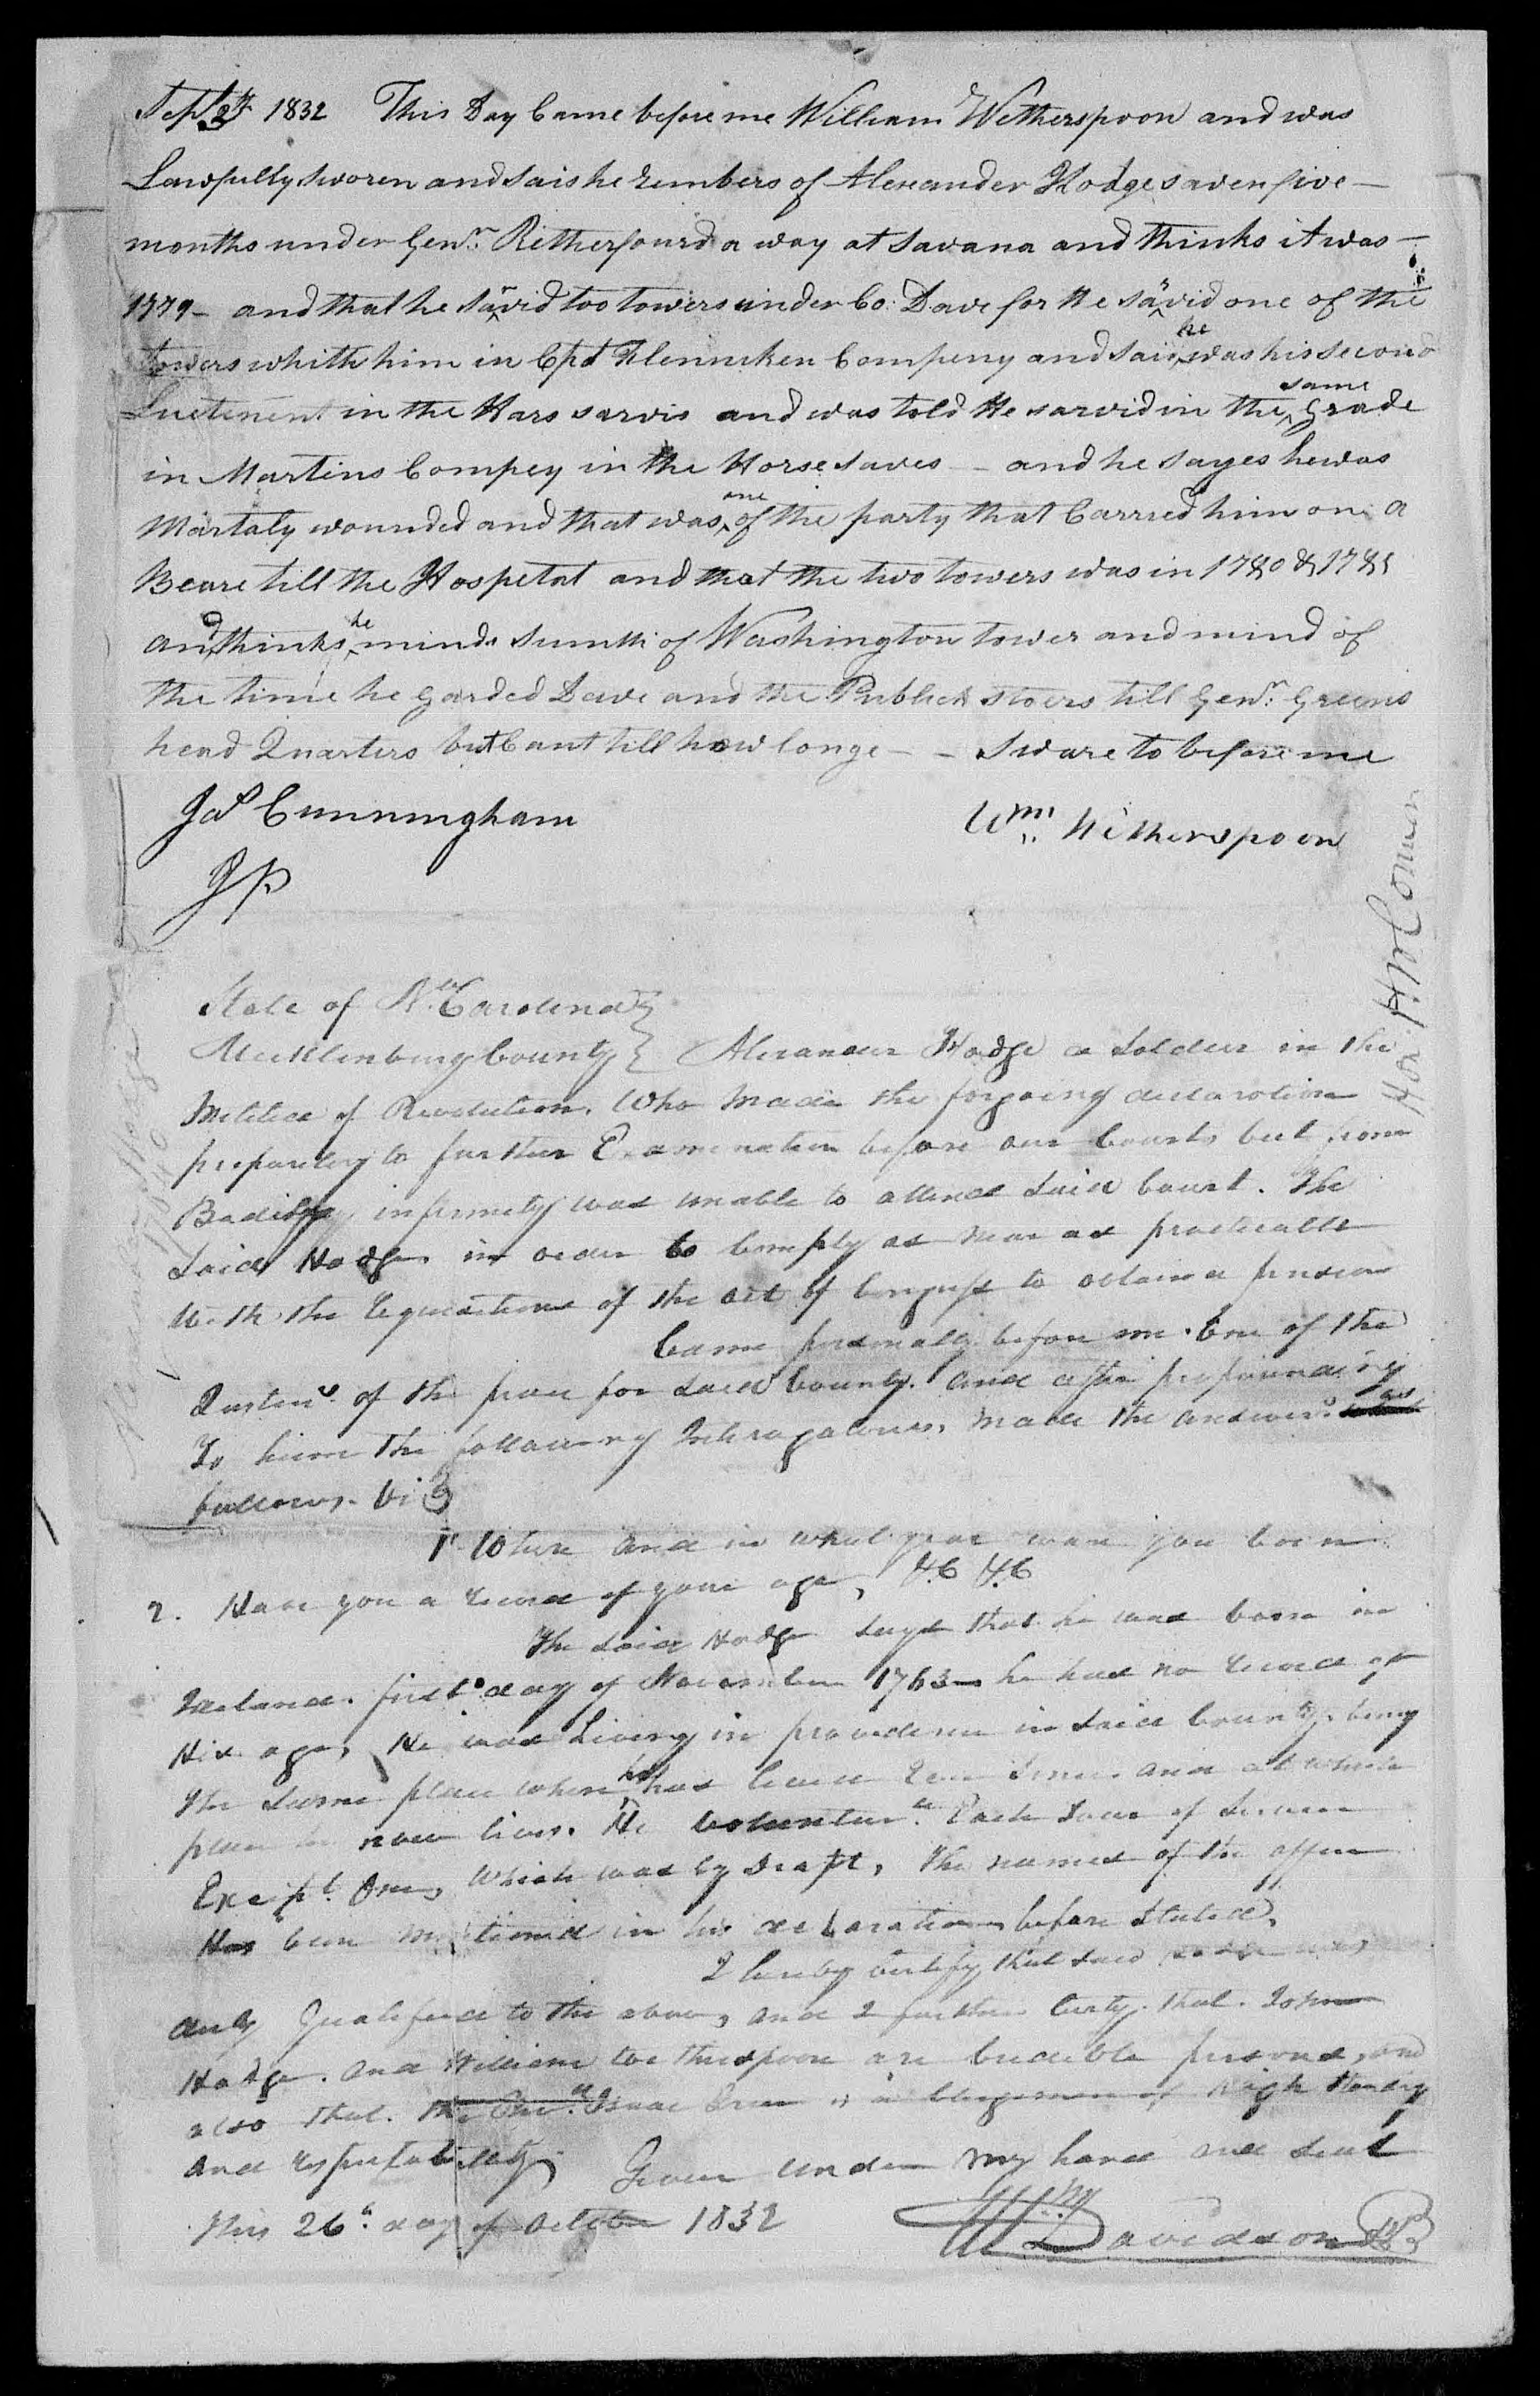Sept 3 1832  This day came before me William Wetherspoon and was lawfully sworn and sais (sic) he numbers of Alexander Hodges over five months under Genl Ritherfourd (sic) or way at Savana (sic) and thinks it was 1779 – and that he served too (sic) towers (sic) under Co Davi for the served one of the towers (sic) whith (sic) him in Cpt Flenniken Company and said he was his second Lieutenant in the Wars sarvis (sic) and was told he sarved (sic) in the same grade in Martins Compey in the Horse sarves (sic) and he says he was Mortaly (sic) wounded and that was one of the party that carried him on a Beare (sic) till the Hospital and that the two towers (sic) was in 1780 & 1781 and thinks he minds Hospital of Washington tower and mind of the time he garded (sic) Davi and the Public (sic) stoers (sic) till Genl Greens head quarter but cant tell how longe (sic) – 
Swore (sic) to before me 
Wm Witherspoon

Jas Cunningham
GP

State of N. Carolina}
Mecklenberg County}
Alexander Hodge a soldier in the militica (sic) of Revolution, who made the forgoing declaration preparing to further Examination before our Courts but from Bodily infirmity was unable to attend said Court. The said Hodge in order to comply as near as practicable with the Requisitions of the act of Congress to obtain a pension 
Came personally before me one of the Justices of the peace for said County and after propounding to him the following Interogation, make the answers as follows: viz
1 where and in what year were you born
2. Have you a record of your age, &.c &.c
The said Hodge says that he was born in Irelannse (sic) first day of November 1763, he had no record of his age, he was Living in providence in said County being the same place where he had ever since and at which place he now lives.  He volunteered in each tour of Service except ones which was by draft, the names of the officers has been mentioned in his declaration before stated.
I hereby certify this said Hodge was duly qualified to the above, and I further certify that John Hodge and William Witherspoon are credible persons, and also that the Rev. Isaac Griar is a Clergiman of right standing and respectability
Given under my hand and seal this 26th day of October 1832
Wm Davidson, JP (seal) 

(NOTE: middle right, next to Witherspoon):   Hon HW Comor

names: Isaac Brown, Hodge, Alexander Hodge, Hodge, William Wetherspoon, Alexander Hodges, Wm Davidson, Alexander Hodge, Retherford, William, Dowe, Jas Cunningham, Wm Wetherspoon, Dowe, Greens, John Hodge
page: 6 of 14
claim: survivor's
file: S. 8737, Alexander Hodge, N.C.